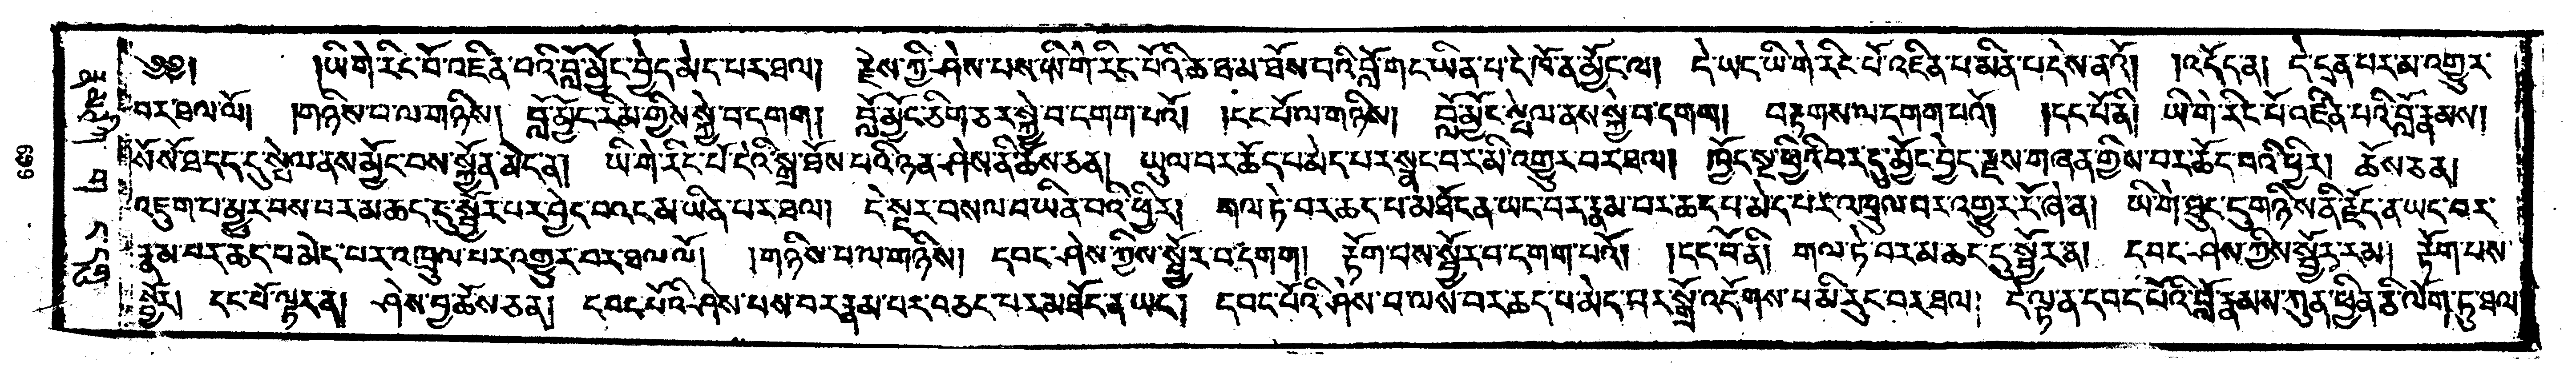༄༅། །ཡི་གེ་རིང་བོ་འཇིན་བའི་བློ་མྱོང་བྱེད་མེད་པར་ཐལ། རྗེས་ཀྱི་ཤེས་པས་ཡི་གེ་རིང་པོའི་ཆ་ཐ་མ་ཐོས་པའི་བློ་གང་ཡིན་པ་དེ་ཁོ་ན་མྱོང་ལ། དེ་ཡང་ཡི་གེ་རིང་པོ་འཇིན་པ་མིན་པ་དེས་ནའོ། །འདོད་ན། དེ་དྲན་པར་མ་འགྱུར་
བར་ཐལ་ལོ། །གཉིས་པ་ལ་གཉིས། བློ་མྱོང་རིམ་གྱིས་སྐྱེ་བ་དགག། བློ་མྱོང་ཅིག་ཅར་སྐྱེ་བ་དགག་པའོ། །དང་པོ་ལ་གཉིས། བློ་མྱོང་སྤེལ་ནས་སྐྱེ་བ་དགག། བརྟགས་ལ་དགག་པའོ། །དང་པོ་ནི། ཡི་གེ་རིང་པོ་འཛིན་པའི་བློ་རྣམས།
སོ་སོ་ཐ་དད་དུ་སྤེལ་ནས་མྱོང་བས་སྐྱོན་མེད་ན། ཡི་གེ་རིང་པོ་དེའི་སྒྲ་ཐོས་པའི་ཉན་ཤེས་ནི་ཆོས་ཅན། ཡུལ་བར་ཆོད་པ་མེད་པར་སྣང་བར་མི་འགྱུར་བར་ཐལ། ཁྱོད་སྔ་ཕྱིའི་བར་དུ་མྱོང་བྱེད་རྫས་གཞན་གྱིས་བར་ཆོད་བའི་ཕྱིར། ཆོས་ཅན།
འཇུག་པ་མྱུར་བས་པར་མ་ཆད་དུ་སྦྱོར་པར་བྱེད་པའང་མ་ཡིན་པར་ཐལ། དེ་སྔར་བསལ་བ་ཡིན་པའི་ཕྱིར། གལ་ཏེ་བར་ཆད་པ་མཐོང་ན་ཡང་བར་རྣམ་བར་ཆད་པ་མེད་པར་འཁྲུལ་བར་འགྱུར་རོ་ཞེ་ན། ཡི་གེ་ཐུང་དུ་གཉིས་ནི་རྗོད་ན་ཡང་བར་
རྣམ་བར་ཆད་བ་མེད་པར་འཁྲུལ་པར་འགྱུར་བར་ཐལ་ལོ། །གཉིས་པ་ལ་གཉིས། དབང་ཤེས་ཀྱིས་སྦྱོར་བ་དགག། རྟོག་བས་སྦྱོར་བ་དགག་པའོ། །དང་བོ་ནི། གལ་ཏེ་བར་མ་ཆང་དུ་སྦྱོར་ན། དབང་ཤེས་ཀྱིས་སྦྱོར་རམ། རྟོག་པས་
སྦྱོར། དང་པོ་ལྟར་ན། ཤེས་བྱ་ཆོས་ཅན། དབང་པོའི་ཤེས་པས་བར་རྣམ་བར་བཅང་པར་མཐོན་གན་ཡང་། དབང་པོའི་ཤེས་བ་ལས་བར་ཆད་པ་མེད་བར་སྒྲོ་འདོགས་པ་མི་རུང་པར་ཐལ། དེ་ལྟ་ན་དབང་པོའི་བློ་རྣམས་ཀུན་ཕྱིན་ཅི་ལོག་ཏུ་ཐལ་